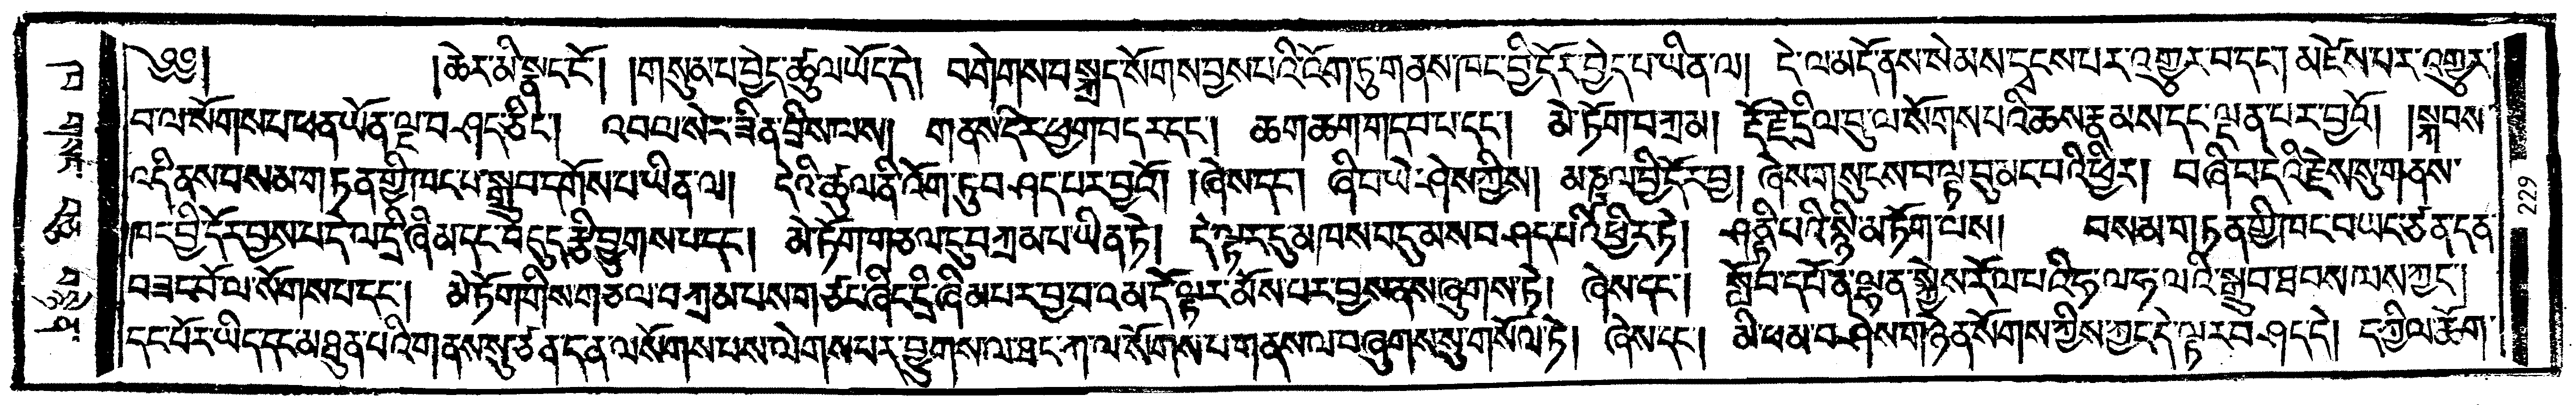༄༅། །ཆེར་མི་སྣང་ངོ། །གསུམ་པ་བྱེད་ཚུལ་ཡོད་དེ། བགེགས་བསྐྲད་སོགས་བྱས་པའི་འོག་ཏུ་གནས་ཁང་བྱི་དོར་བྱེད་པ་ཡིན་ལ། དེ་ལ་མདོ་ནས་སེམས་དྭངས་པར་འགྱུར་བ་དང་། མཛེས་པར་འགྱུར་
བ་ལ་སོགས་པ་ཕན་ཡོན་ལྔ་བཤད་ཅིང་། འབལ་སེར་ཟིན་བྲིས་ལས། གནས་དིར་ཕྱག་བདར་དང་། ཆག་ཆག་གདབ་པ་དང་། མེ་ཏོག་བཀྲམ། རྡོ་རྗེ་དྲིལ་བུ་ལ་སོགས་པའི་ཆས་རྣམས་དང་ལྡན་པར་བྱའོ། །སྐབས་
འདི་ནས་བསམ་གཏན་གྱི་ཁང་པ་སྒྲུབ་དགོས་པ་ཡིན་ལ། དེའི་ཚུལ་ནི་འོག་ཏུ་བཤད་པར་བྱའོ། །ཞེས་དང་། ཞི་བ་ཡེ་ཤེས་ཀྱིས། མཎྜལ་བྱི་དོར་བྱ། ཞེས་གསུངས་པ་ལྟ་བུ་མང་བའི་ཕྱིར། བཞི་བདེའི་རྗེས་སུ་གནས་
ཁང་བྱི་དོར་བྱས་པ་དེ་ལ་དྲི་ཞིམ་དང་བདུད་རྩི་བྱུགས་པ་དང་། མེ་ཏོག་གཅལ་དུ་བཀྲམ་པ་ཡིན་ཏེ། དེ་ལྟར་དུ་མཁས་པ་དུ་མས་བཤད་པའི་ཕྱིར་ཏེ། ཤནྟི་པའི་སྙི་མ་ཏོག་ལས། བསམ་གཏན་གྱི་ཁང་བ་ཡང་ཙན་དན་
བཟང་པོ་ལ་སོགས་པ་དང་། མེ་ཏོག་གིས་གཅལ་བཀྲམ་པས་གཙང་ཞིང་དྲི་ཞིམ་པར་བྱ་བ་འམ་དོ་ལྟར་མོས་པར་བྱས་ནས་ཞུགས་ཏེ། ཞེས་དང་། སློབ་དཔོན་ལྷན་སྐྱེས་རོལ་པའི་ཧ་ལ་ཧ་ལའི་སྒྲུབ་ཐབས་ལས་ཀྱང་།
དང་པོར་ཡིད་དང་མཐུན་པའི་གནས་སུ་ཙན་དན་ལ་སོགས་པས་ལེགས་པར་བྱུགས་ལ་ཐང་ཀ་ལ་སོགས་པ་གནས་ལ་བཞུགས་སུ་གསོལ་ཏེ། ཞེས་དང་། མི་ཕམ་བཤེས་གཉེན་སོགས་ཀྱིས་ཀྱང་དེ་ལྟར་བཤད་དེ། དཀྱིལ་ཆོག་